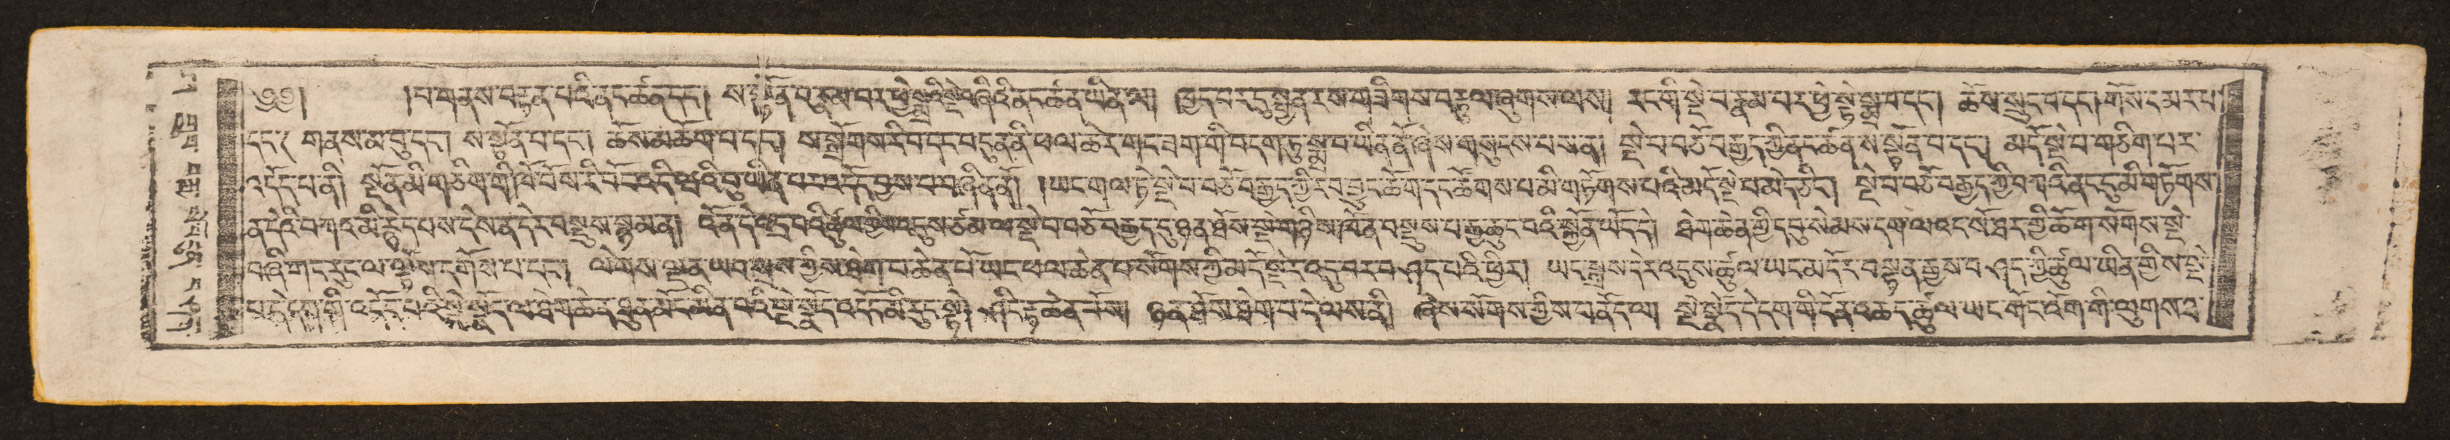༄༅། །པ་གནས་བརྟན་པའི་ནང་ཚན་དང་། ས་སྟོན་པ་རྣམ་པར་ཕྱེ་སྨྲའི་སྡེང་ཞིའི་ནང་ཚན་ཡིན་ལ། ཁྱད་པར་དུ་སྤྱན་རས་གཟིགས་བརྟུལ་ཞུགས་ལས། རང་གི་སྡེབ་རྣམ་པར་ཕྱེ་སྟེ་སྨྲ་བ་དང་། ཆོས་སྲུང་བ་དང་། གོས་དམར་བ་
དང༑ གནས་མ་བུ་དང་། ས་སྟོན་པ་དང་། ཆོས་མཆོག་པ་དང་། ས་སྒྲོགས་རི་བ་དང་བདུན་ནི་ཕལ་ཆེར་གང་ཟག་གི་བདག་ཏུ་སྨྲ་བ་ཡིན་ནོ་ཞེས་གསུངས་པས་ན། སྡེ་པ་བཅོ་བརྒྱད་ཀྱི་ནང་ཚན་ས་སྟོན་པ་དང་། མདོ་སྡེ་པ་གཅིག་པར་
འདོད་པ་ནི། སྔོན་མི་གཅིག་གི་ཁོ་བོས་རི་བོང་འདི་ཝའི་བུ་ཡིན་པར་འདོད་བྱས་པ་བཞིན་ནོ། །ཡང་གལ་ཏེ་སྡེ་པ་བཅོ་བརྒྱད་ཀྱི་རབ་བྱུང་ཆོག་དང་ཚོགས་པ་མི་གཏོགས་པའི་མདོ་སྡེ་པ་མེད་ཅིང་། སྡེ་པ་བཅོ་བརྒྱད་ཀྱི་བཀའི་ནང་དུ་མི་གཏོགས་
ན་དེའི་བཀའ་མི་རྙེད་པས་དེས་ན་དེར་བསྡུས་སྙམ་ན། འོ་ན་དེ་འདྲ་བའི་ཚུལ་གྱིས་འདུས་ཙམ་ལ་སྡེ་པ་བཅོ་བརྒྱད་དུ་ཉན་ཐོས་སྡེ་གཉིས་ཁོ་ན་བསྡུས་པ་རྒྱ་ཆུང་བའི་སྐྱོན་ཡོད་དེ། ཐེག་ཆེན་གྱི་དབུ་སེམས་དག་ལའང་སོ་ཐར་གྱི་ཆོག་སོགས་སྡེ་
བཞི་གང་རུང་ལ་ལྟོས་དགོས་པ་དང་། ལེགས་ལྡན་ཡབ་སྲས་ཀྱིས་ཐེག་པ་ཆེན་པོ་ཡང་ཕལ་ཆེན་པ་སོགས་ཀྱི་མདོ་སྡེར་འདུ་བར་བཤད་པའི་ཕྱིར། ཡང་སྒྲས་དེར་འདུས་ཚུལ་ཡང་མདོར་བསྟན་རྒྱས་བཤད་ཀྱི་ཚུལ་ཡིན་གྱིས་སྡེ་
པ་དེ་དག་གི་འདོད་པའི་སྡེ་སྣོད་ལ་ཐེག་ཆེན་ཐུན་མོང་མིན་པའི་སྡེ་སྣོད་འདོད་མི་རུང་སྟེ། ཤིང་རྟ་ཆེན་པོས། ཉན་ཐོས་ཐེག་པ་དེ་ལས་ནི། ཞེས་སོགས་ཀྱིས་གནོད་ལ། སྡེ་སྣོད་དེ་དག་གི་དོན་འཆད་ཚུལ་ཡང་གོང་འོག་གི་ལུགས་ཐ་